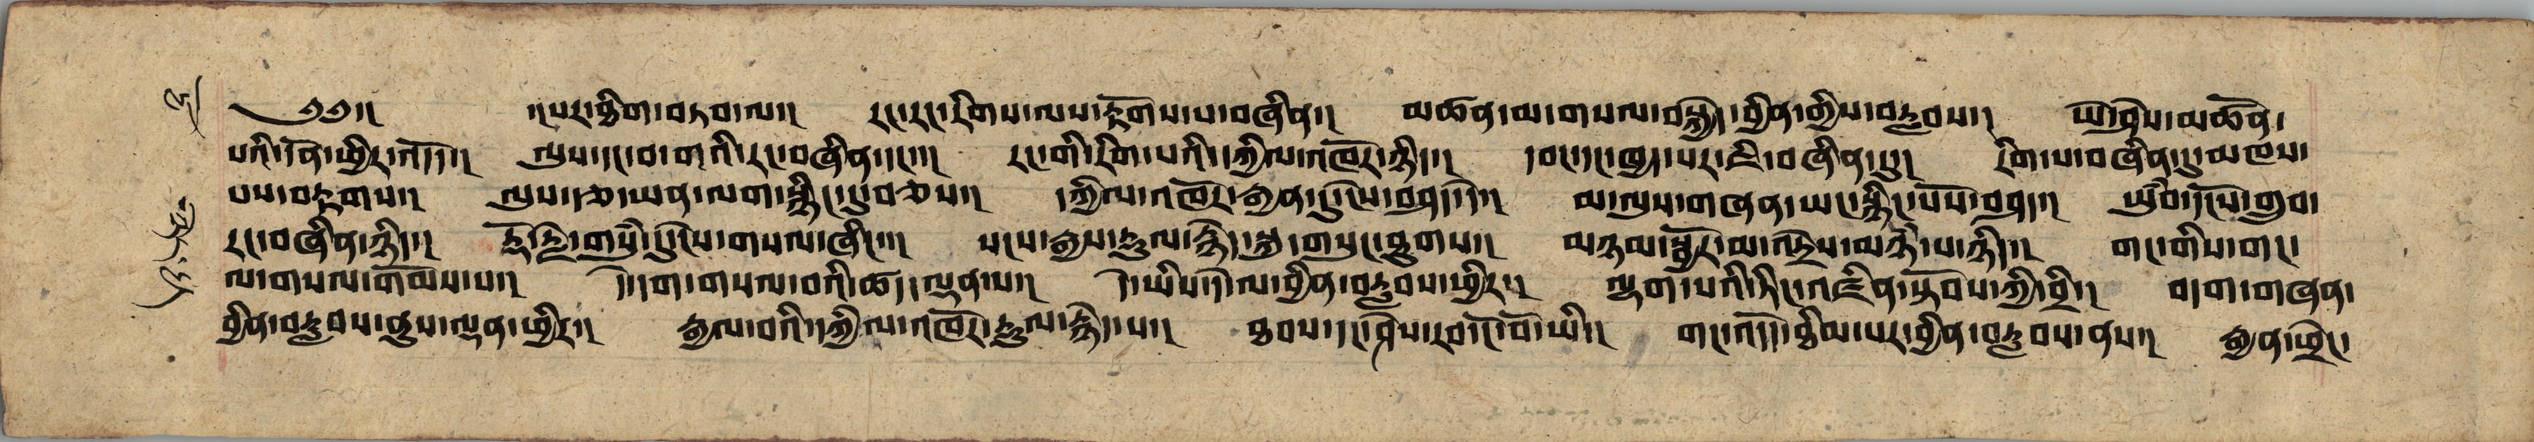༄༅་། ་།པར་ཐིག་བཏབ་ལ་། རང་རང་རིགས་ལས་རྟོགས་པ་བཞིན་། མཚན་མ་གསལ་བསྐྱེད་བྱིན་གྱིས་བརླབས་། ཡེ་ཤེས་མཚོན་
པའི་དོན་ཕྱིར་འདོད་། ལུས་དང་བ་གའི་རང་བཞིན་དང་་། རང་གི་རིག་པའི་དཀྱིལ་འཁོར་ཉིད་། དབང་དང་ཁྱད་པར་ཇི་བཞིན་དུ་། རིག་པ་བཞིན་དུ་མཁས་
པས་བརྟགས་། ལུས་རྩལ་ཡན་ལག་སྙིང་དུ་བཅས་། དཀྱིལ་འཁོར་རྒྱན་དུ་ངེས་བཤད་དེ་། མ་ལུས་གཞན་ཡང་སྙིང་པོས་བཤད་། ཡུཾབ་དངོས་གྲུབ་
རང་བཞིན་ཉིད་། རྡོ་རྗེ་གསུཾ་དུ་ངེས་གསལ་ཞིང་་། སངས་རྒྱས་རྡུལ་རྙེད་སྐུ་གསུང་ཐུགས་། མཉམ་སྦྱོར་མ་འདྲེས་མཉཾ་པ་ཉིད་། གང་གིས་གང་
ལ་གསལ་གོམས་པ་། དེ་དག་གསལ་བའི་ཚད་ལྡན་པ་། དེ་ཡིས་དེ་ལ་བྱིན་བརླབས་ཕྱིར་། ལྷག་པའི་ཏིང་འཛིན་སྟོབས་ཀྱི་བྲི་། བདག་གཞན་
བྱིན་བརླབས་ནུས་ལྡན་ཕྱིར་། རྒྱལ་བའི་དཀྱིལ་འཁོར་རྡུལ་རྙེད་པ་། ཐབས་དང་ཤེས་རབ་ངོ་བོ་ཡི་། གང་འདོད་ཐིམ་པར་བྱིན་བརླབས་ནས་། རྒྱན་ཕྲེང་